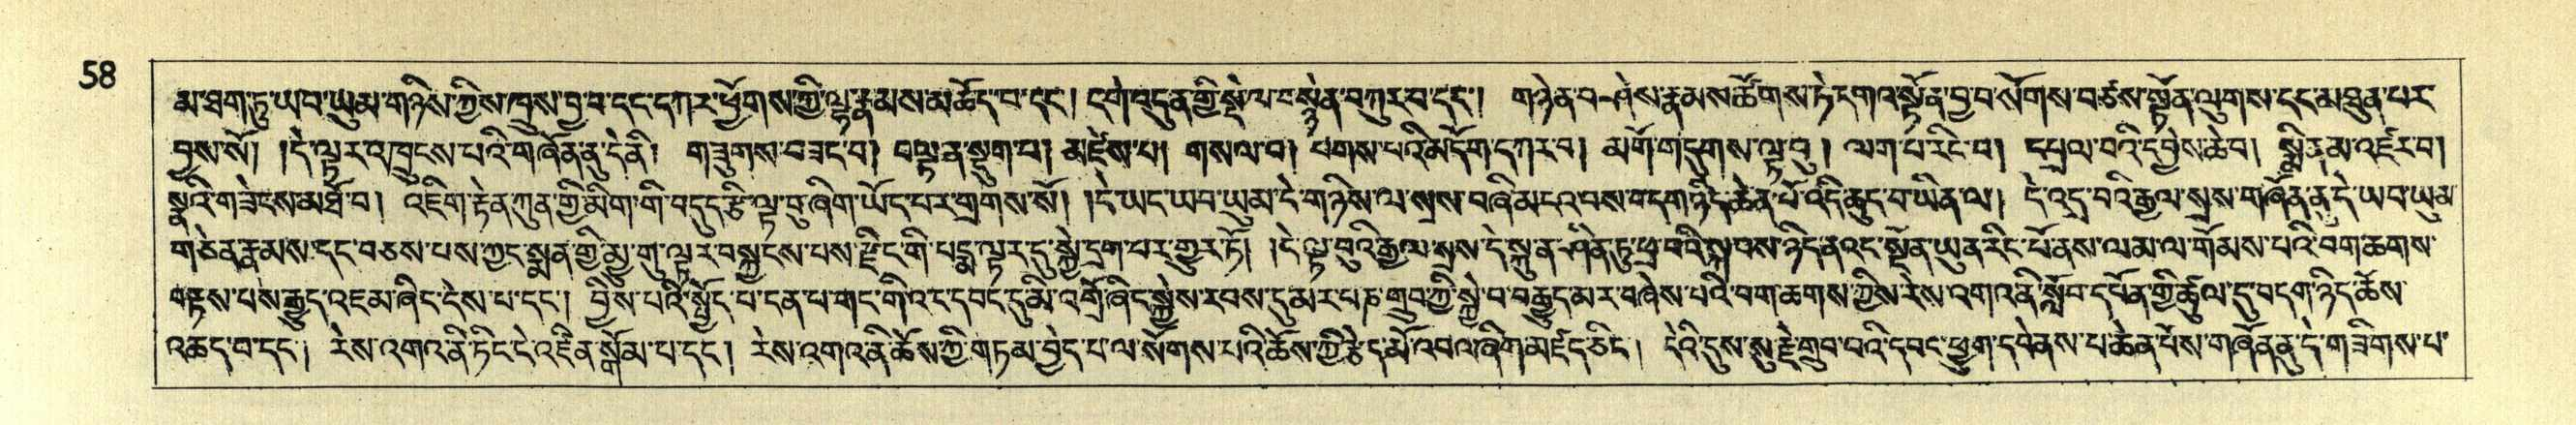མ་ཐག་ཏུ་ཡབ་ཡུམ་གཉིས་ཀྱིས་ཁྲུས་བྱ་བ་དང་དཀར་ཕྱོགས་ཀྱི་ལྷ་རྣམས་མཆོད་པ་དང་། དགེ་འདུན་གྱི་སྡེ་ལ་བསྙེན་བཀུར་བ་དང་། གཉེན་བཤེས་རྣམས་ཚོགས་ཏེ་དགའ་སྟོན་བྱ་བ་སོགས་བཙས་སྟོན་ལུགས་དང་མཐུན་པར་
བྱས་སོ། །དེ་ལྟར་འཁྲུངས་པའི་གཞོན་ནུ་དེ་ནི། གཟུགས་བཟང་བ། བལྟ་ན་སྡུག་པ། མཛེས་པ། གསལ་བ། པགས་པའི་མདོག་དཀར་བ། མགོན་གདུགས་ལྟ་བུ། ལག་པ་རིང་བ། དཔྲལ་བའི་དབྱེས་ཆེ་བ། སྨིན་མ་འཛར་བ།
སྣའི་གཟེངས་མཐོ་བ། འཇིག་རྟེན་ཀུན་གྱི་མིག་གི་བདུད་རྩི་ལྟ་བུ་ཞིག་ཡོད་པར་གྲགས་སོ། །དེ་ཡང་ཡབ་ཡུམ་དེ་གཉིས་ལ་སྲས་བཞི་མངའ་བས་བདག་ཉིད་ཆེན་པོ་འདི་ཆུང་བ་ཡིན་ལ། དེ་འདྲ་བའི་རྒྱལ་སྲས་གཞོན་ནུ་དེ་ཡབ་ཡུམ་
གཅེན་རྣམས་དང་བཅས་པས་ཀྱང་སྨན་གྱི་མྱུ་གུ་ལྟར་བསྐྱངས་པས་རྫིང་གི་པདམ་ལྟར་དུ་སྐྱེ་དྲག་པར་གྱུར་ཏོ། །དེ་ལྟ་བུའི་རྒྱལ་སྲས་དེ་སྐུ་ན་ཤིན་ཏུ་ཕྲ་བའི་སྐབས་ཉིད་ནའང་སྔོན་ཡུན་རིང་པོ་ནས་ལམ་ལ་གོམས་པའི་བག་ཆགས་
བརྟས་པས་རྒྱུད་འཇམ་ཞིང་ངེས་པ་དང་། བྱིས་པའི་སྤྱོད་པ་ངན་པ་གང་གིའང་དབང་དུ་མི་འགྲོ་ཞིང་སྐྱེས་རབས་དུ་མར་པཎ་གྲུབ་ཀྱི་སྐྱེ་བ་བརྒྱུད་མར་བཞེས་པའི་བག་ཆགས་ཀྱིས་རེས་འགའ་ནི་སློབ་དཔོན་གྱི་ཚུལ་དུ་བདག་ཉིད་ཆོས་
འཆད་བ་དང་། རེས་འགའ་ནི་ཏིང་ངེ་འཛིན་སྒོམ་པ་དང་། རེས་འགའ་ནི་ཆོས་ཀྱི་གཏམ་བྱེད་པ་ལ་སོགས་པའི་ཆོས་ཀྱི་རྩེད་མོ་འབའ་ཞིག་མཛད་ཅིང་། དེའི་དུས་སུ་རྗེ་གྲུབ་པའི་དབང་ཕྱུག་དབེན་ས་པ་ཆེན་པོས་གཞོན་ནུ་དེ་གཟིགས་པ་